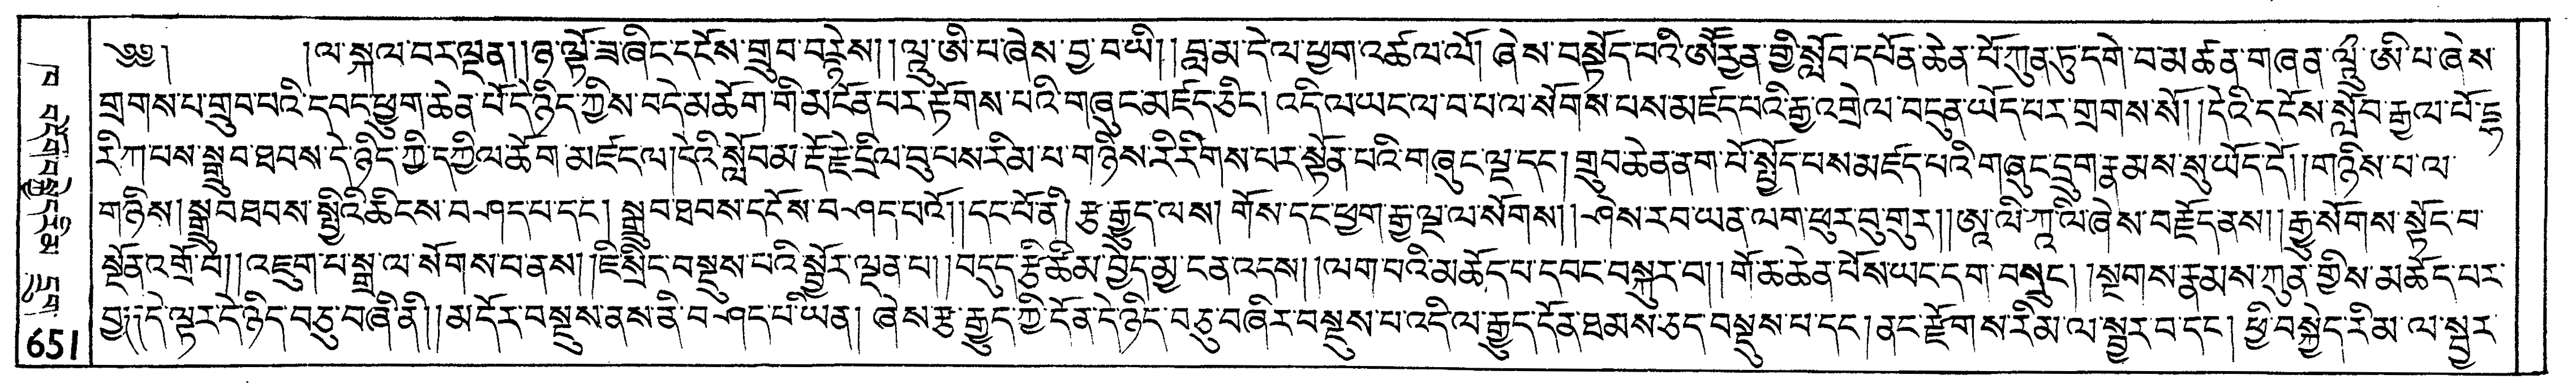༄༅། །ལ་སྐལ་བར་ལྡན། །ཉ་ལྟོ་ཟ་ཞིང་དངོས་གྲུབ་བརྙེས། །ལཱུ་ཨི་པ་ཞེས་བྱ་བ་ཡི། །བླ་མ་དེ་ལ་ཕྱག་འཚལ་ལོ། ཞེས་བསྟོད་པའི་ཨཽརྱན་གྱི་སློབ་དཔོན་ཆེན་པོ་ཀུན་ཏུ་དགེ་བ་མཚན་གཞན་ལིའུ་ཨི་པ་ཞེས་
གྲགས་པ་གྲུབ་པའི་དབང་ཕྱུག་ཆེན་པོ་དེ་ཉིད་ཀྱིས་བདེ་མཆོག་གི་མངོན་པར་རྟོགས་པའི་གཞུང་མཛད་ཅིང་། འདི་ལ་ཡང་ལ་བ་པ་ལ་སོགས་པས་མཛད་པའི་རྒྱ་འགྲེལ་བདུན་ཡོད་པར་གྲགས་སོ། །དེའི་དངོས་སློབ་རྒྱལ་པོ་དྷ་
རི་ཀ་པས་སྒྲུབ་ཐབས་དེ་ཉིད་ཀྱི་དཀྱིལ་ཆོག་མཛད་ལ། དེའི་སློབ་མ་རྡོ་རྗེ་དྲིལ་བུ་པས་རིམ་པ་གཉིས་རི་རིགས་པར་སྟོན་པའི་གཞུང་ལྔ་དང་། གྲུབ་ཆེན་ནག་པོ་སྤྱོད་པས་མཛད་པའི་གཞུང་དྲུག་རྣམས་སུ་ཡོད་དོ། །གཉིས་པ་ལ་
གཉིས། སྒྲུབ་ཐབས་སྤྱིའི་ཆིངས་བཤད་པ་དང་། སྒྲུབ་ཐབས་དངོས་བཤད་པའོ། །དང་པོ་ནི། རྩ་རྒྱུད་ལས། གོས་དང་ཕྱག་རྒྱ་ལྔ་ལ་སོགས། །ཤེས་རབ་ཡན་ལག་ཕུར་བུ་གུར། །ཨཱ་ལི་ཀཱ་ལི་ཞེས་བརྗོད་ནས། །རྒྱུ་སོགས་སྟོང་པ་
སྔོན་འགྲོ་བ། །འཇུག་པ་སྒྲ་ལ་སོགས་པ་ནས། །ཇི་སྲིད་བསྡུས་པའི་སྦྱོར་ལྡན་པ། །བདུད་རྩི་ཚིམ་བྱེད་མྱ་ངན་འདས། །ལག་པའི་མཆོད་པ་དབང་བསྐུར་བ། །གོ་ཆ་ཆེན་པོས་ཡང་དག་བསྲུང་། །སྔགས་རྣམས་ཀུན་གྱིས་མཆོད་པར་
བྱ། །དེ་ལྟར་དེ་ཉིད་བཅུ་བཞི་ནི། །མདོར་བསྡུས་ནས་ནི་བཤད་པ་ཡིན། ཞེས་རྩ་རྒྱུད་ཀྱི་དོན་དེ་ཉིད་བཅུ་བཞིར་བསྡུས་པ་འདི་ལ་རྒྱུད་དོན་ཐམས་ཅད་བསྡུས་པ་དང་། ནང་རྫོགས་རིམ་ལ་སྦྱར་བ་དང་། ཕྱི་བསྐྱེད་རིམ་ལ་སྦྱར་